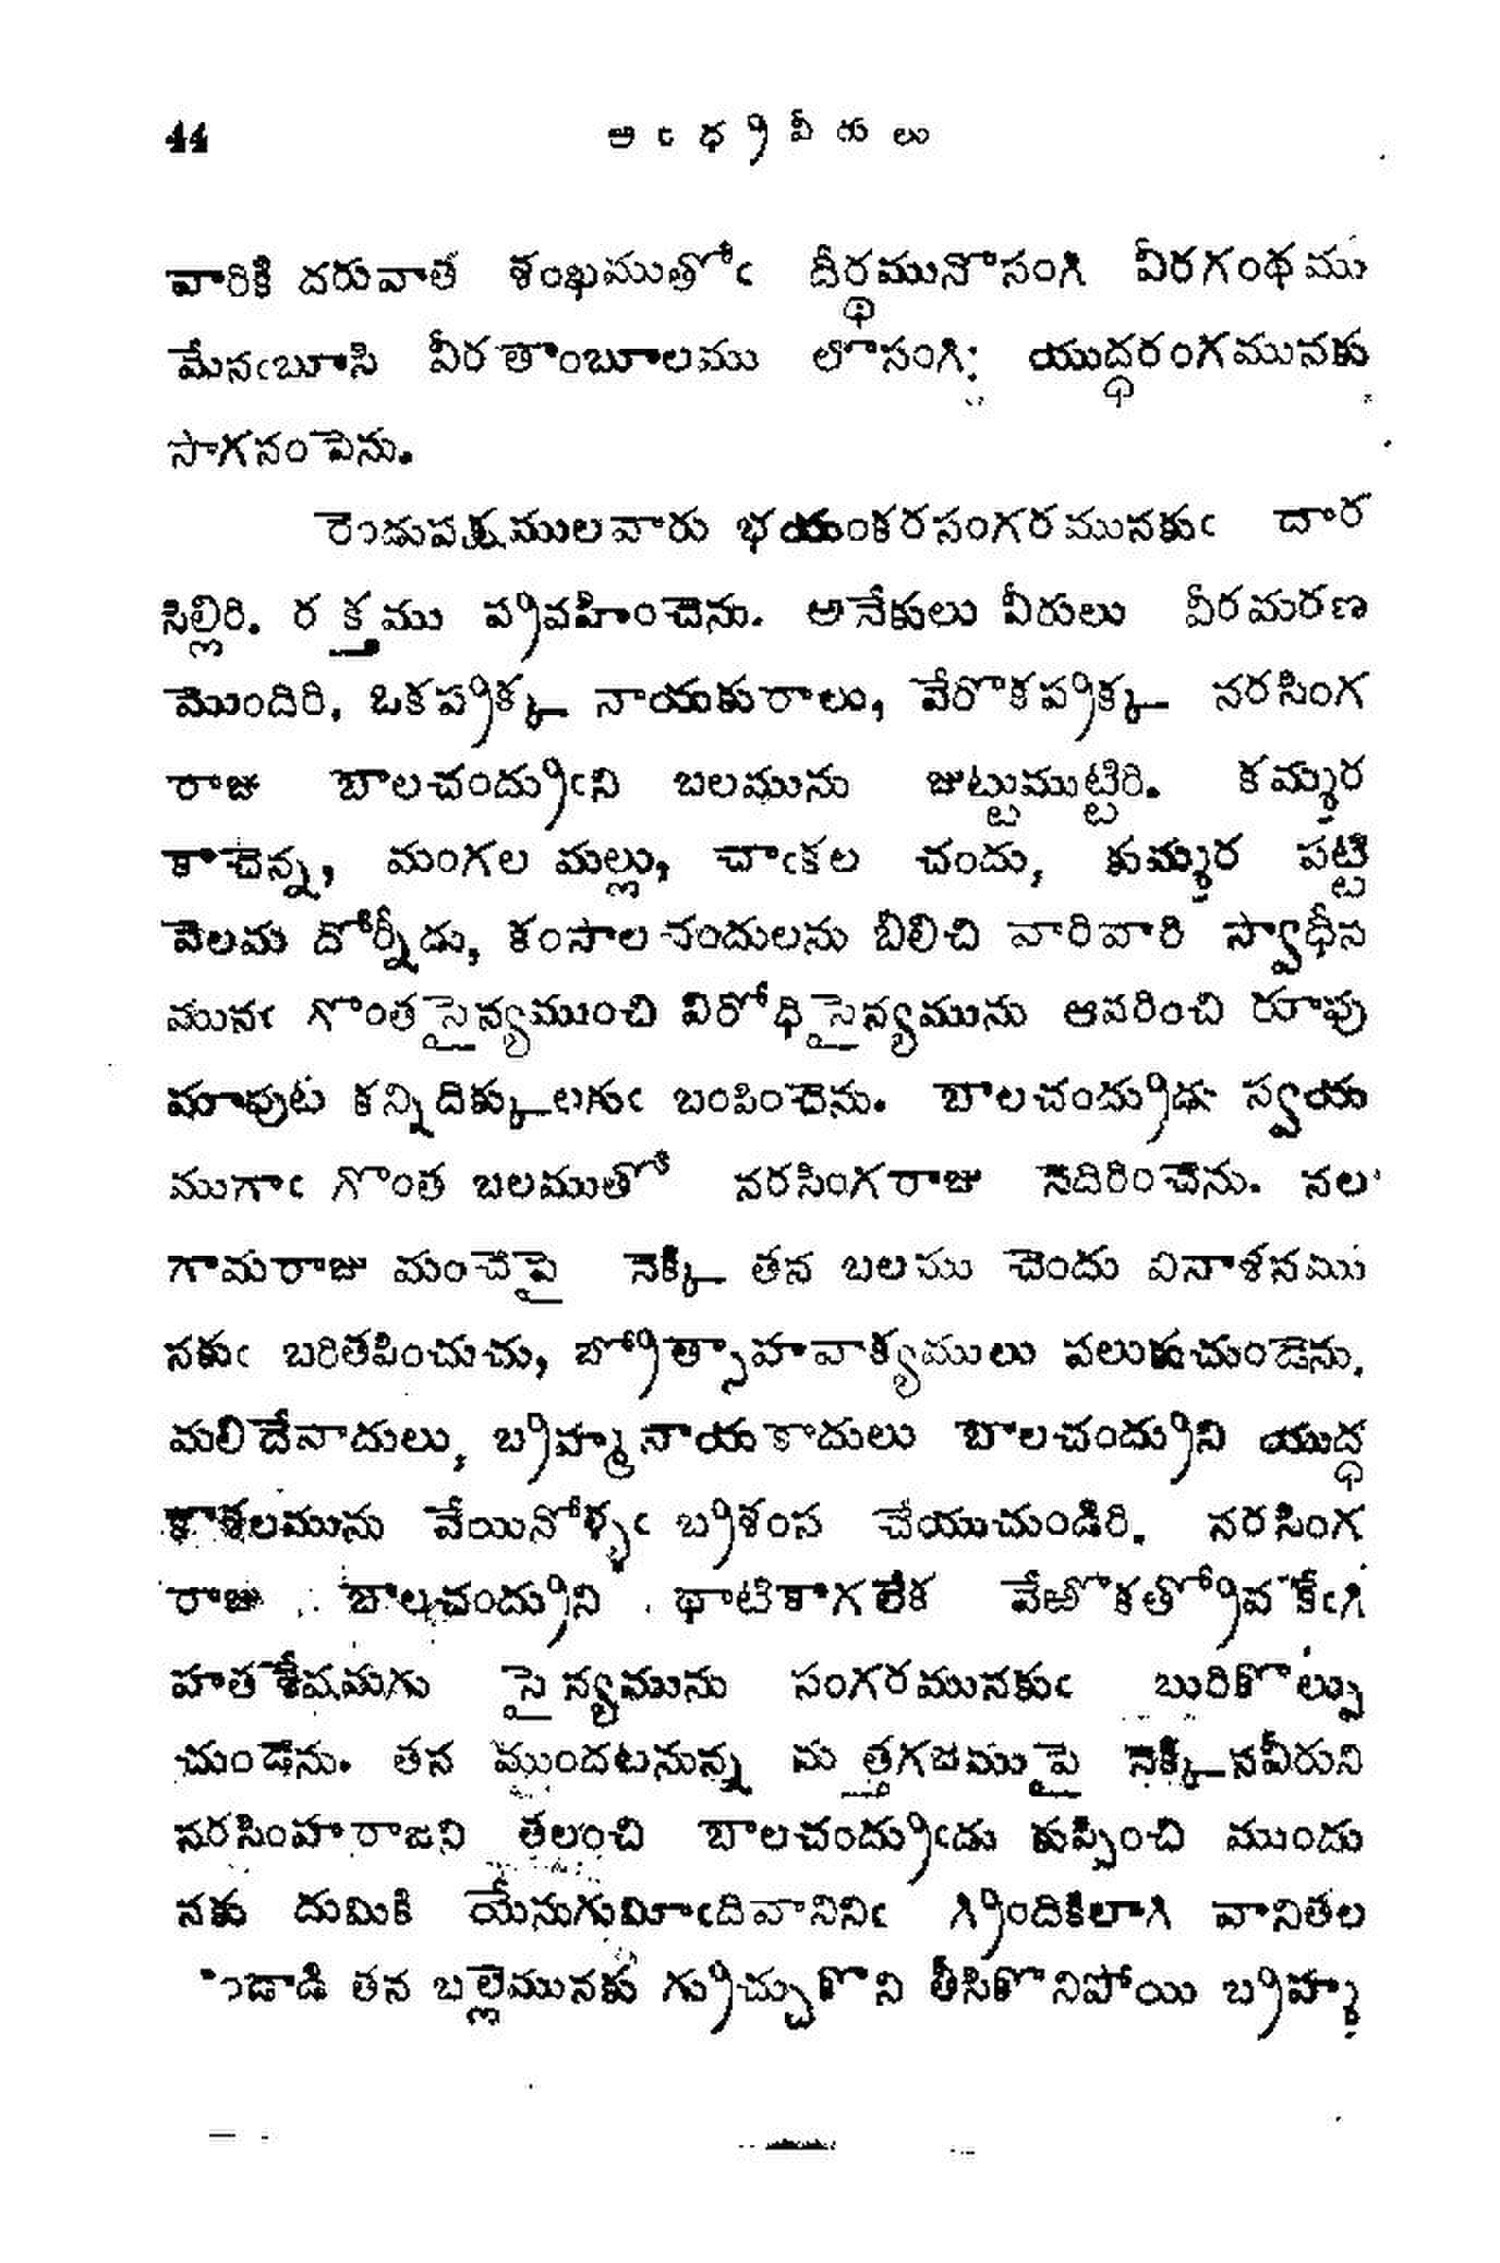వారికి దరువాత శంఖముతో దీర్థమునొసంగి వీరగంథము మేనబూసి వీరతాంబూలము లొసంగి యుద్ధరంగమునకు సాగనంపెను.

రెండుపక్షములవారు భయంకరసంగరమునకు దారసిల్లిరి. రక్తము ప్రవహించెను. అనేకులు వీరులు వీరమరణ మొందిరి. ఒకప్రక్క నాయకురాలు, వేరొకప్రక్క నరసింగ రాజు బాలచంద్రుని బలమును జుట్టుముట్టిరి. కమ్మర కాచెన్న, మంగల మల్లు, చాకల చందు, కుమ్మర పట్టి, వెలమ దోర్నీడు, కంసాల చందులను బిలిచి వారివారి స్వాధీనమున గొంతసైన్యముంచి విరోధిసైన్యమును ఆవరించి రూపు మాపుట కన్నిదిక్కులకు బంపించెను. బాలచంద్రుడు స్వయముగా గొంత బలముతో నరసింగరాజు నెదిరించెను. నలగామరాజు మంచెపై నెక్కి తన బలము చెందు వినాశనమునకు బరితపించుచు, బ్రోత్సాహవాక్యములు పలుకుచుండెను. మలిదేవాదులు, బ్రహ్మనాయకాదులు బాలచంద్రుని యుద్ధ కౌశలమును వేయినోళ్ళ బ్రశంస చేయుచుండిరి. నరసింగరాజు బాలచంద్రుని ధాటికాగలేక వేఱొకత్రోవకేగి హతశేషమగు సైన్యమును సంగరమునకు బురికొల్పుచుండెను. తన ముందటనున్న మత్తగజముపై నెక్కినవీరుని నరసింహరాజని తలంచి బాలచంద్రుడు కుప్పించి ముందునకు దుమికి యేనుగుమీదివానిని గ్రిందికిలాగి వానితల జెండాడి తన బల్లెమునకు గ్రుచ్చుకొని తీసికొనిపోయి బ్రహ్మ